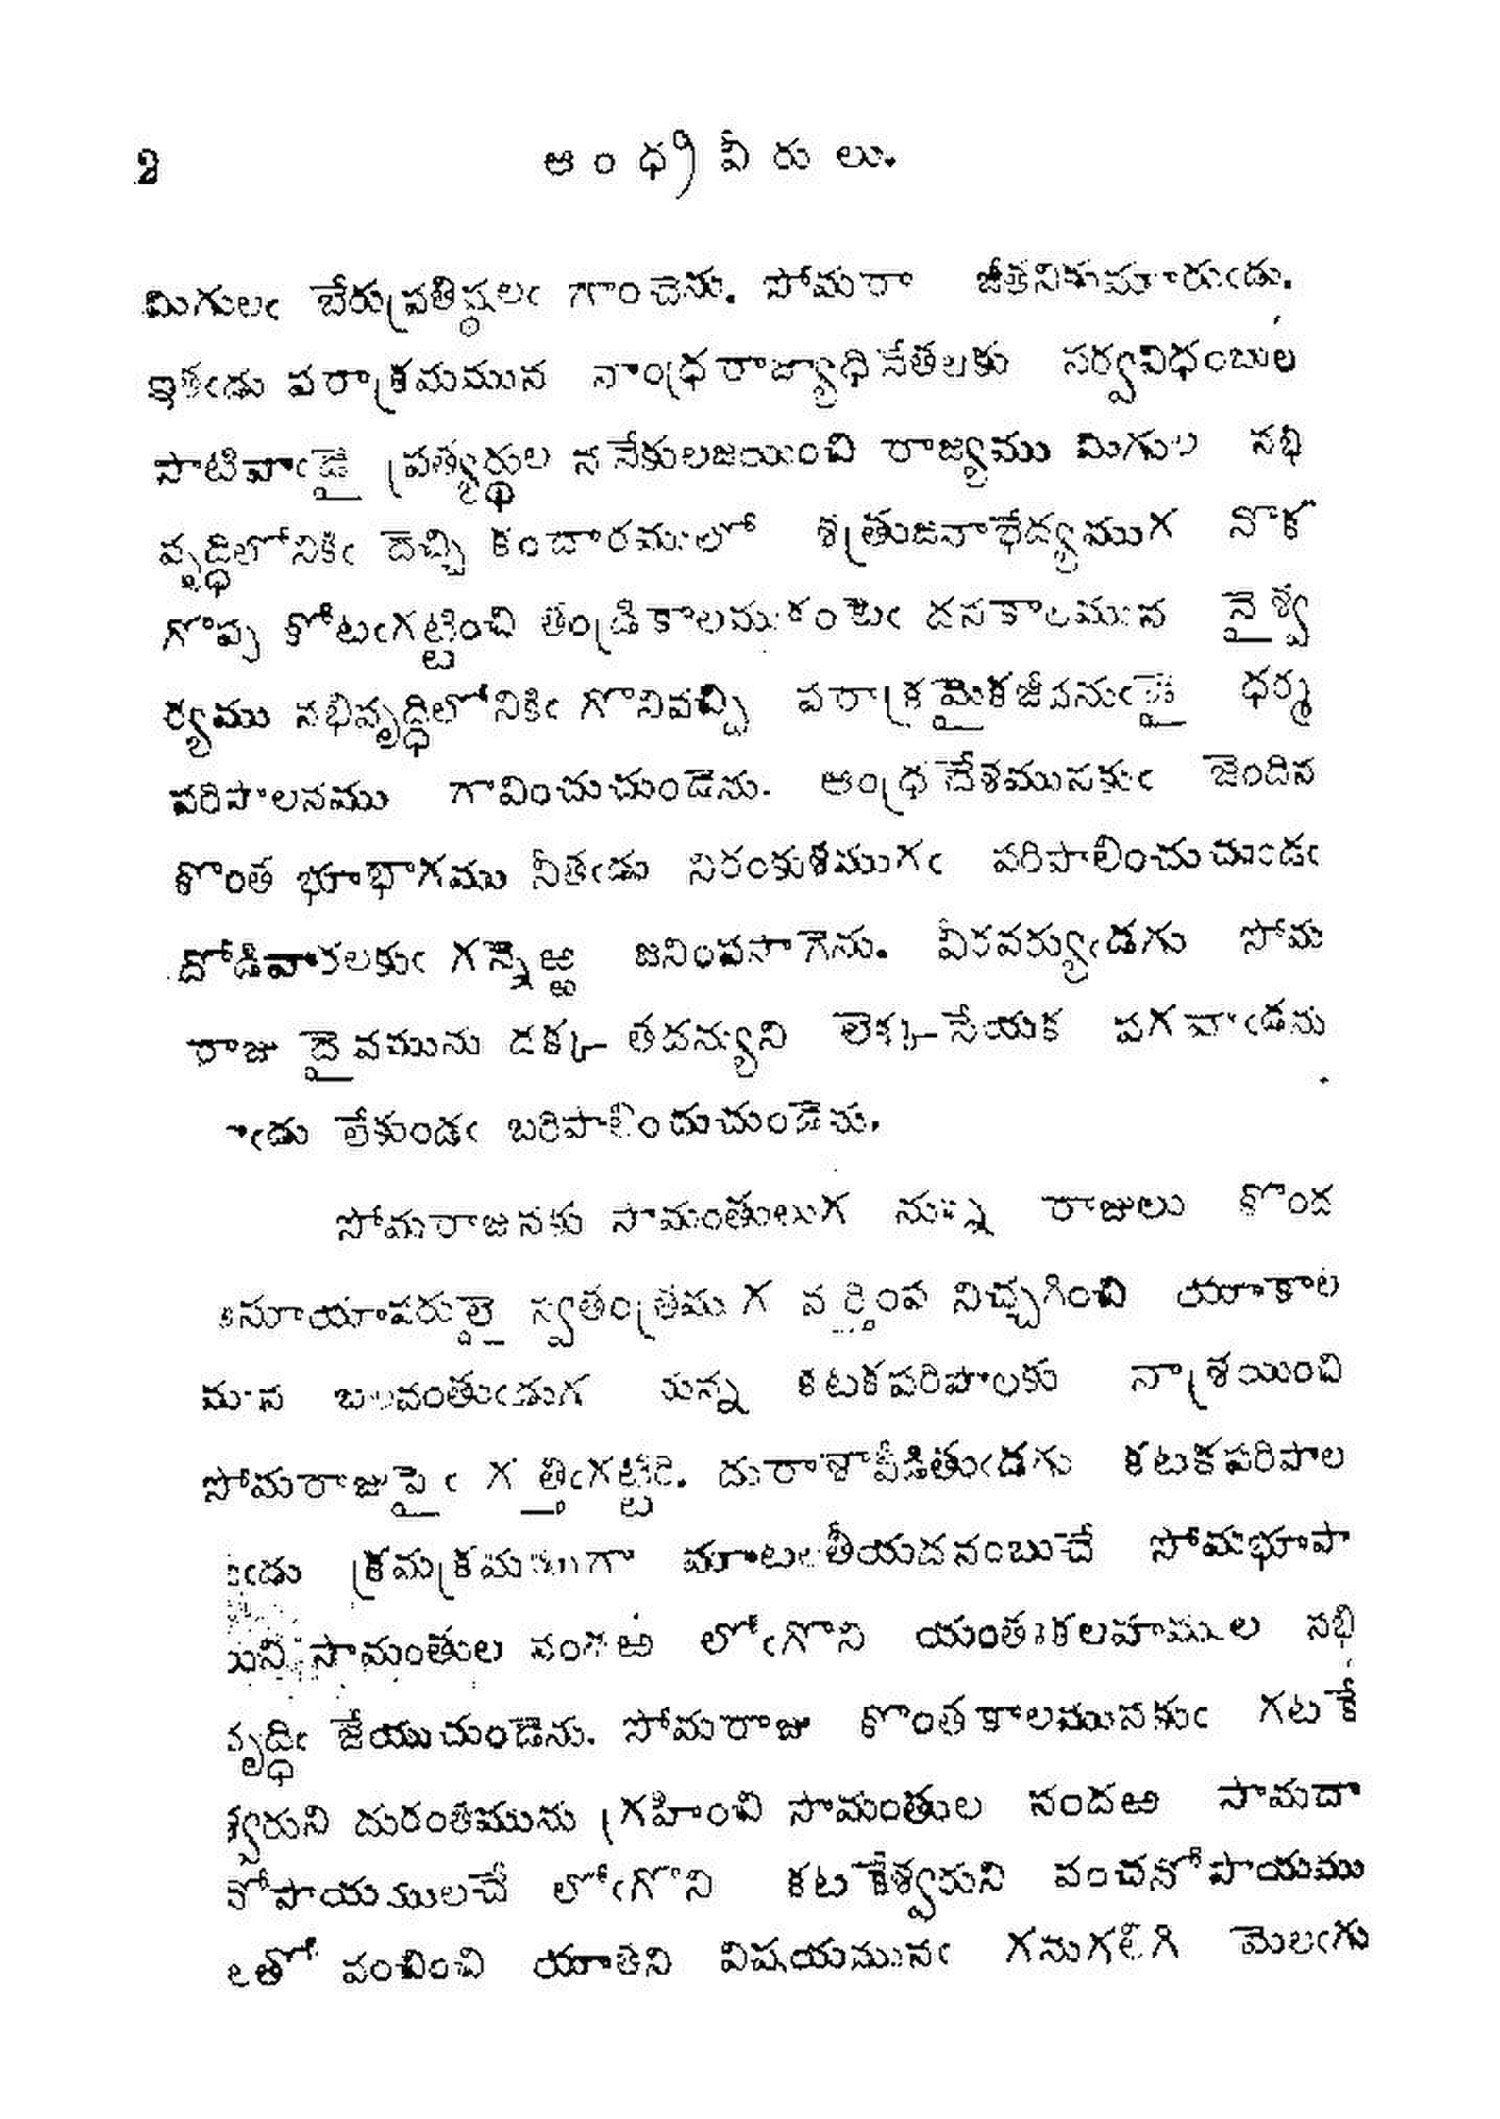మిగుల బేరు ప్రతిష్ఠల గాంచెను. సోమరా జీతనికుమారుదు. ఇతడు పరాక్రమమున నాంధ్ర రాజ్యాధినేతలకు సర్వ విధంబుల సాటివాడై ప్రత్యర్థుల ననేకుల జయించి రాజ్యము మిగుల నభివృద్ధిలోనికి దెచ్చి కందారములో శత్రుజనాభేద్యముగ నొక గొప్ప కోటను గట్టించి తండ్రికాలము కంటె దన కాలమున నైశ్వర్యము నభివృధిలోనికి గొనివచ్చి పరాక్రమైక జీవనుడై ధర్మపరిపాలనము గావించు చుండెను. ఆంధ్రదేశమునకు జెందిన కొంతభూభాగము నీతడు నిరంకుశముగ పరిపాలించుచుండ దోడివారలకు గన్నెఱ్ఱ జనింపసాగెను. వీరవర్యుడగు సోమరాజు దైవమును దక్క తదన్నుని లెక్కసేయక పగవాడను వాడు లేకుండ బరిపాలించుచుండెను.

సోమరాజునకు సామంతులుగ నున్న రాజులు కొందరు అసూయపరులై స్వతంత్రముగ వర్తింప నిచ్చగించి యాకాలమున బలవంతుడుగ నున్న కటకపరిపాలకు నాశ్రయించి సోమరాజుపై గత్తిగట్టిరి. దురాశాపీడితుడగు కటక పరిపాలకుడు క్రమక్రమముగా మాటలతీయదనంబుచే సోమభూపాలుని సామంతుల నందఱ లోగొని యంతఃకలహముల నభివృధి జేయచుండెను. సోమరాజు కొంతకాలమునకు గటకేశ్వరుని దురంతమును గ్రహించి సామంతుల నందర సామదానోపాయములచే లోగొని కటకేశ్వరుని వంచనోపాయములతో వంచించి యాతని విషయమున గనుగలిగి మెలగు